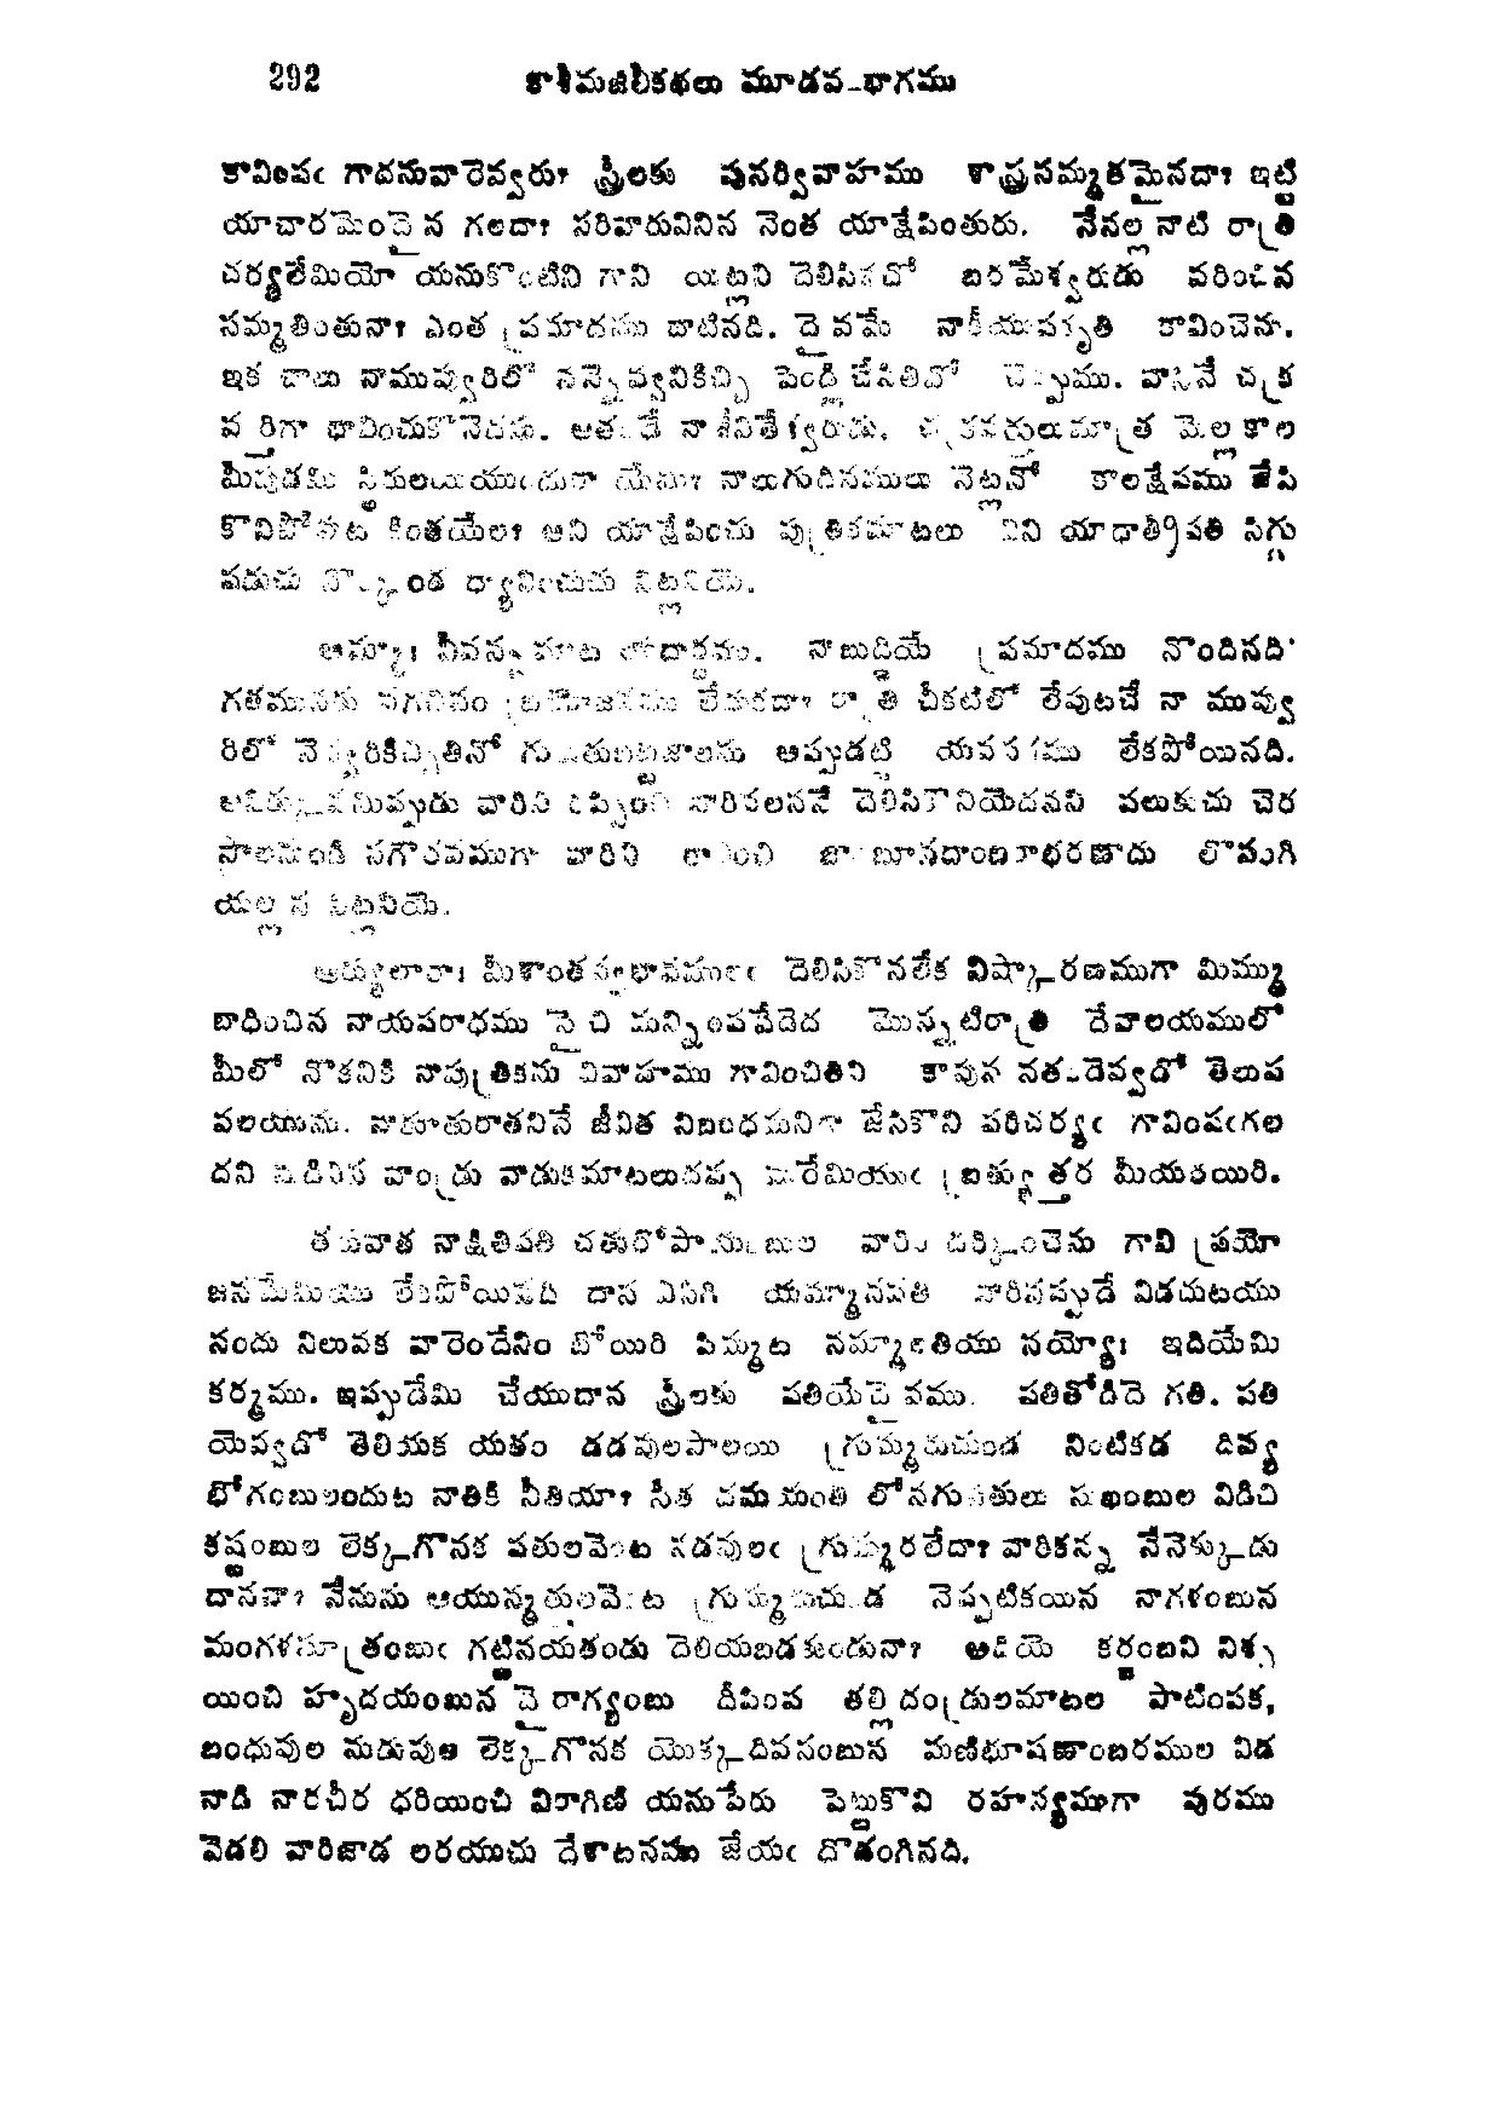కావింపఁ గాదనువారెవ్వరు? స్త్రీలకు పునర్వివాహము శాస్త్రసమ్మతమైనదా? ఇట్టి యాచారమెందైన గలదా? సరివారువినిన నెంత యాక్షేపింతురు. నేనల్ల నాటి రాత్రి చర్యలేమియో యనుకొంటొని గాని యిట్లని దెలిసినచో బరమేశ్వరుడు వరించిన సమ్మతింతునా? ఎంత ! ప్రమాదము దాటినది. దైవమే నాకీయుపకృతి కావించెను. ఇక చాలు నామువ్వురిలో నన్నెవ్వనికిచ్చి పెండ్లి చేసితివో చెప్పుము. వానినే చక్రవర్తిగా భావించుకొనెదను. అతండే నా జీవితేశ్వరుడు. చక్రవర్తులుమాత్రము మెల్లకాల మీపుడమి స్థిరులయియుందురా యేమి? నాలుగుదినములు నెట్లనో కాలక్షేపము జేసికొనిపోవుట కింతయేల? అని యాక్షేపించు పుత్రికమాటలు విని యాధాత్రీపతి సిగ్గుపడుచు నొక్కొండ ధ్యానించుచు నిట్లనియె.

అమ్మా ! నీవన్నమాటట యదార్థము. నా బుద్దియే ప్రమాదము నొందినది' గతమునకు వగచినం బ్రయోజనము లేదుకదా? రాత్రి చీకటిలో లేపుటచే నా మువ్వురిలో నెవ్వరికిచ్చితినో గుఱుతుబట్టజాలను అప్పుడట్టి యవసరము లేకపోయినది. ఆనిడ్కువమిప్పుడు వారిని రప్పించి వారివలననే
దెలిసికొనియెదనని పలుకుచు చెరసాలనుండి సగౌరవముగా వారిని రావించి జాంబూనదాంబరాభరణాదు లొసంగి యల్లన నిట్లనియె.

ఆర్యులారా! మీశాంతస్వభావములఁ దెలిసికొనలేక నిష్కారణముగా మిమ్ము బాధించిన నాయపరాధము సైచి మన్నింపవేడెద మొన్నటిరాత్రి దేవాలయములో మీలో నొకనికి నాపుత్రికను వివాహము గావించితిని కావున నతండెవ్వడో తెలుపవలయును. నాకూతురాతనినే జీవిత నిబంధమునిగా జేసికొని పరిచర్యఁ గావింపఁగలదని నుడివిన వాండ్రు వాడుకమాటలుదప్ప మరేమియుఁ బ్రత్యుత్తర మీయరయిరి.

తరువాత నాక్షితిపతి చతురోపాయంబుల వారిం దర్కించెను గాలి ప్రయోజనమేమియు లేకపోయినది దాన విసిగి యమ్మానపతి వారినప్పుడే విడచుటయు నందు నిలువక వారెందేనిం బోయిరి పిమ్మట నమ్మాలతియు నయ్యో! ఇదియేమి కర్మము. ఇప్పుడేమి చేయుదాన స్త్రీలకు పతియేదైవము. పతితోడిదె గతి. పతి యెవ్వడో తెలియక యతం డడవులపాలయి గ్రుమ్మరుచుండ నింటికడ దివ్య
భోగంబులందుట నాతికి నీతియా? సీత దమయంతి లోనగుసతులు సుఖంబుల విడిచి కష్టంబుల లెక్కగొనక పతులవెంట నడవులఁ గ్రుమ్మరలేదా? వారికన్న నేనెక్కుడు దాననా? నేనును ఆయున్మత్తులవెంట గ్రుమ్మరుచుండ నెప్పటికయిన నాగళంబున మంగళసూత్రంబుఁ గట్టినయతండు దెలియబడకుండునా? అదియె కర్జంబని నిశ్చయించి హృదయంబున వైరాగ్యంబు దీపింప తల్లి దండ్రులమాటల పాటింపక, బంధువుల నుడుపుల లెక్క గొనక యొక్కదివసంబున మణిభూషణాంబరముల విడనాడి నారచీర ధరియించి విరాగిణి యనుపేరు పెట్టుకొని రహస్యముగా పురము వెడలి వారిజాడ లరయుచు దేశాటనము జేయఁ దొడంగినది.